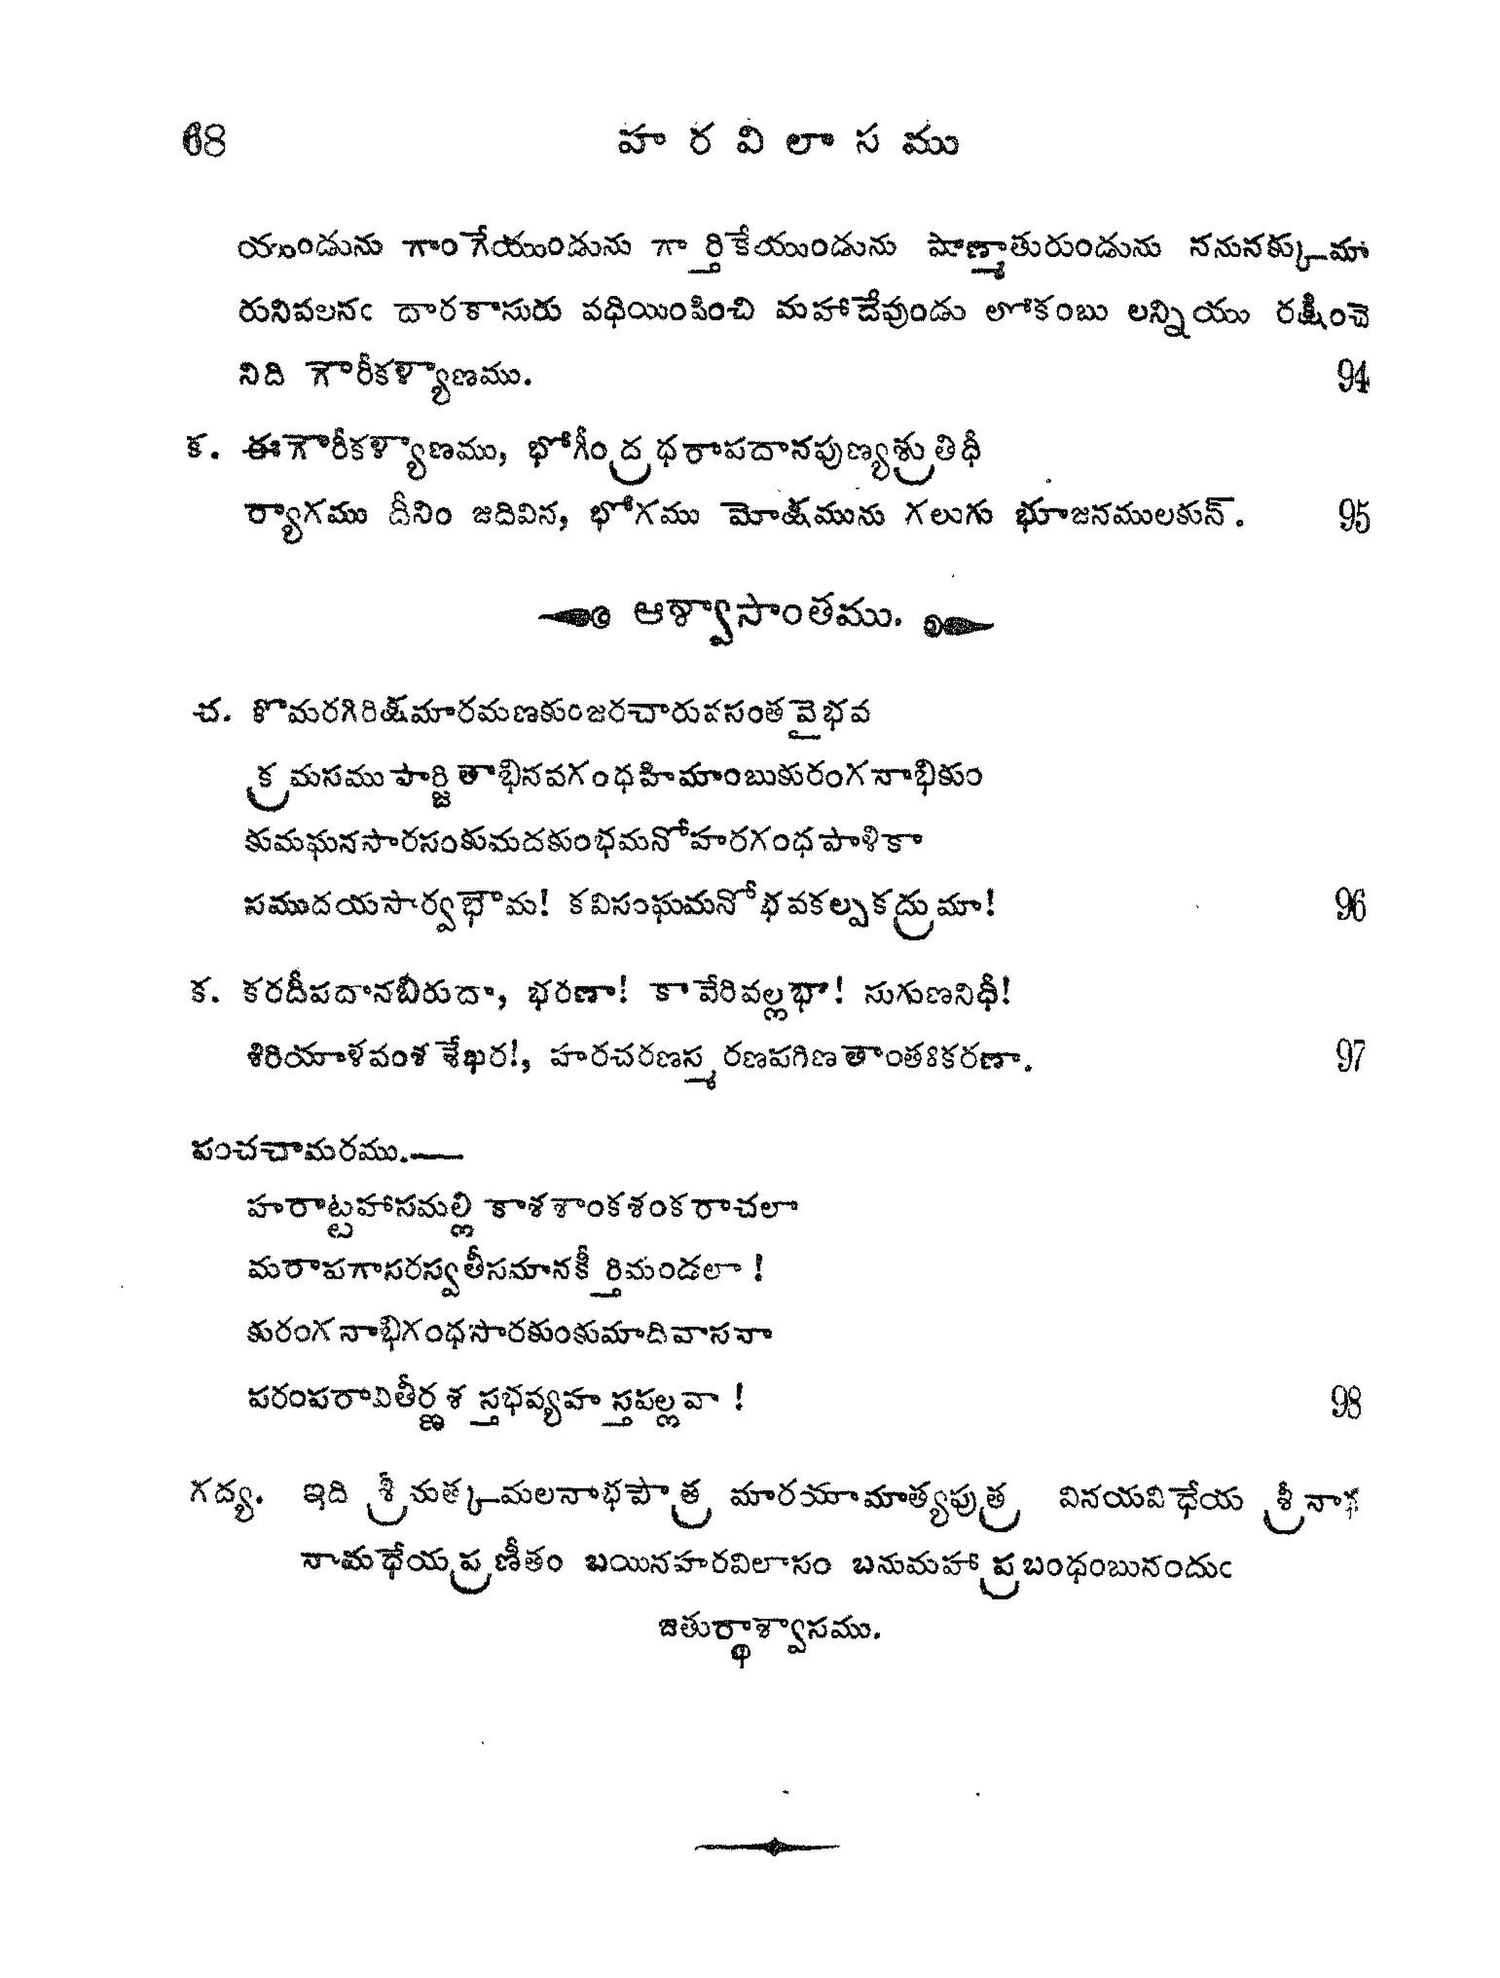యుండును గాంగేయుండును గార్తికేయుండును షాణ్మాతురుండును ననునక్కుమారునివలనఁ దారకాసురు వధియింపించి మహాదేవుండు లోకంబు లన్నియు రక్షించె నిది గౌరీకళ్యాణము. 94

క. ఈగౌరీకళ్యాణము, భోగీంద్రధరాపదానపుణ్యశ్రుతిధీ
ర్యాగము దీనిం జదివిన, భోగము మోక్షమును గలుగు భూజనములకున్. 95

చ. కొమరగిరిక్షమారమణకుంజరచారువసంతవైభవ
క్రమసముపార్జితాభినవగంధహిమాంబుకురంగనాభికుం
కుమఘనసారసంకుమదకుంభమనోహరగంధపాళికా
సముదయసార్వభౌమ! కవిసంఘమనోభవకల్పకద్రుమా! 96

క. కరదీపదానబిరుదా, భరణా! కావేరివల్లభా! సుగుణనిధీ!
శిరియాళవంశశేఖర!, హరచరణస్మరణపగిణతాంతఃకరణా. 97

పంచచామరము.—
హరాట్టహాసమల్లికాశశాంకశంకరాచలా
మరాపగాసరస్వతీసమానకీర్తిమండలా!
కురంగనాభిగంధసారకుంకుమాదివాసనా
పరంపరావితీర్ణశస్తభవ్యహస్తపల్లవా! 98